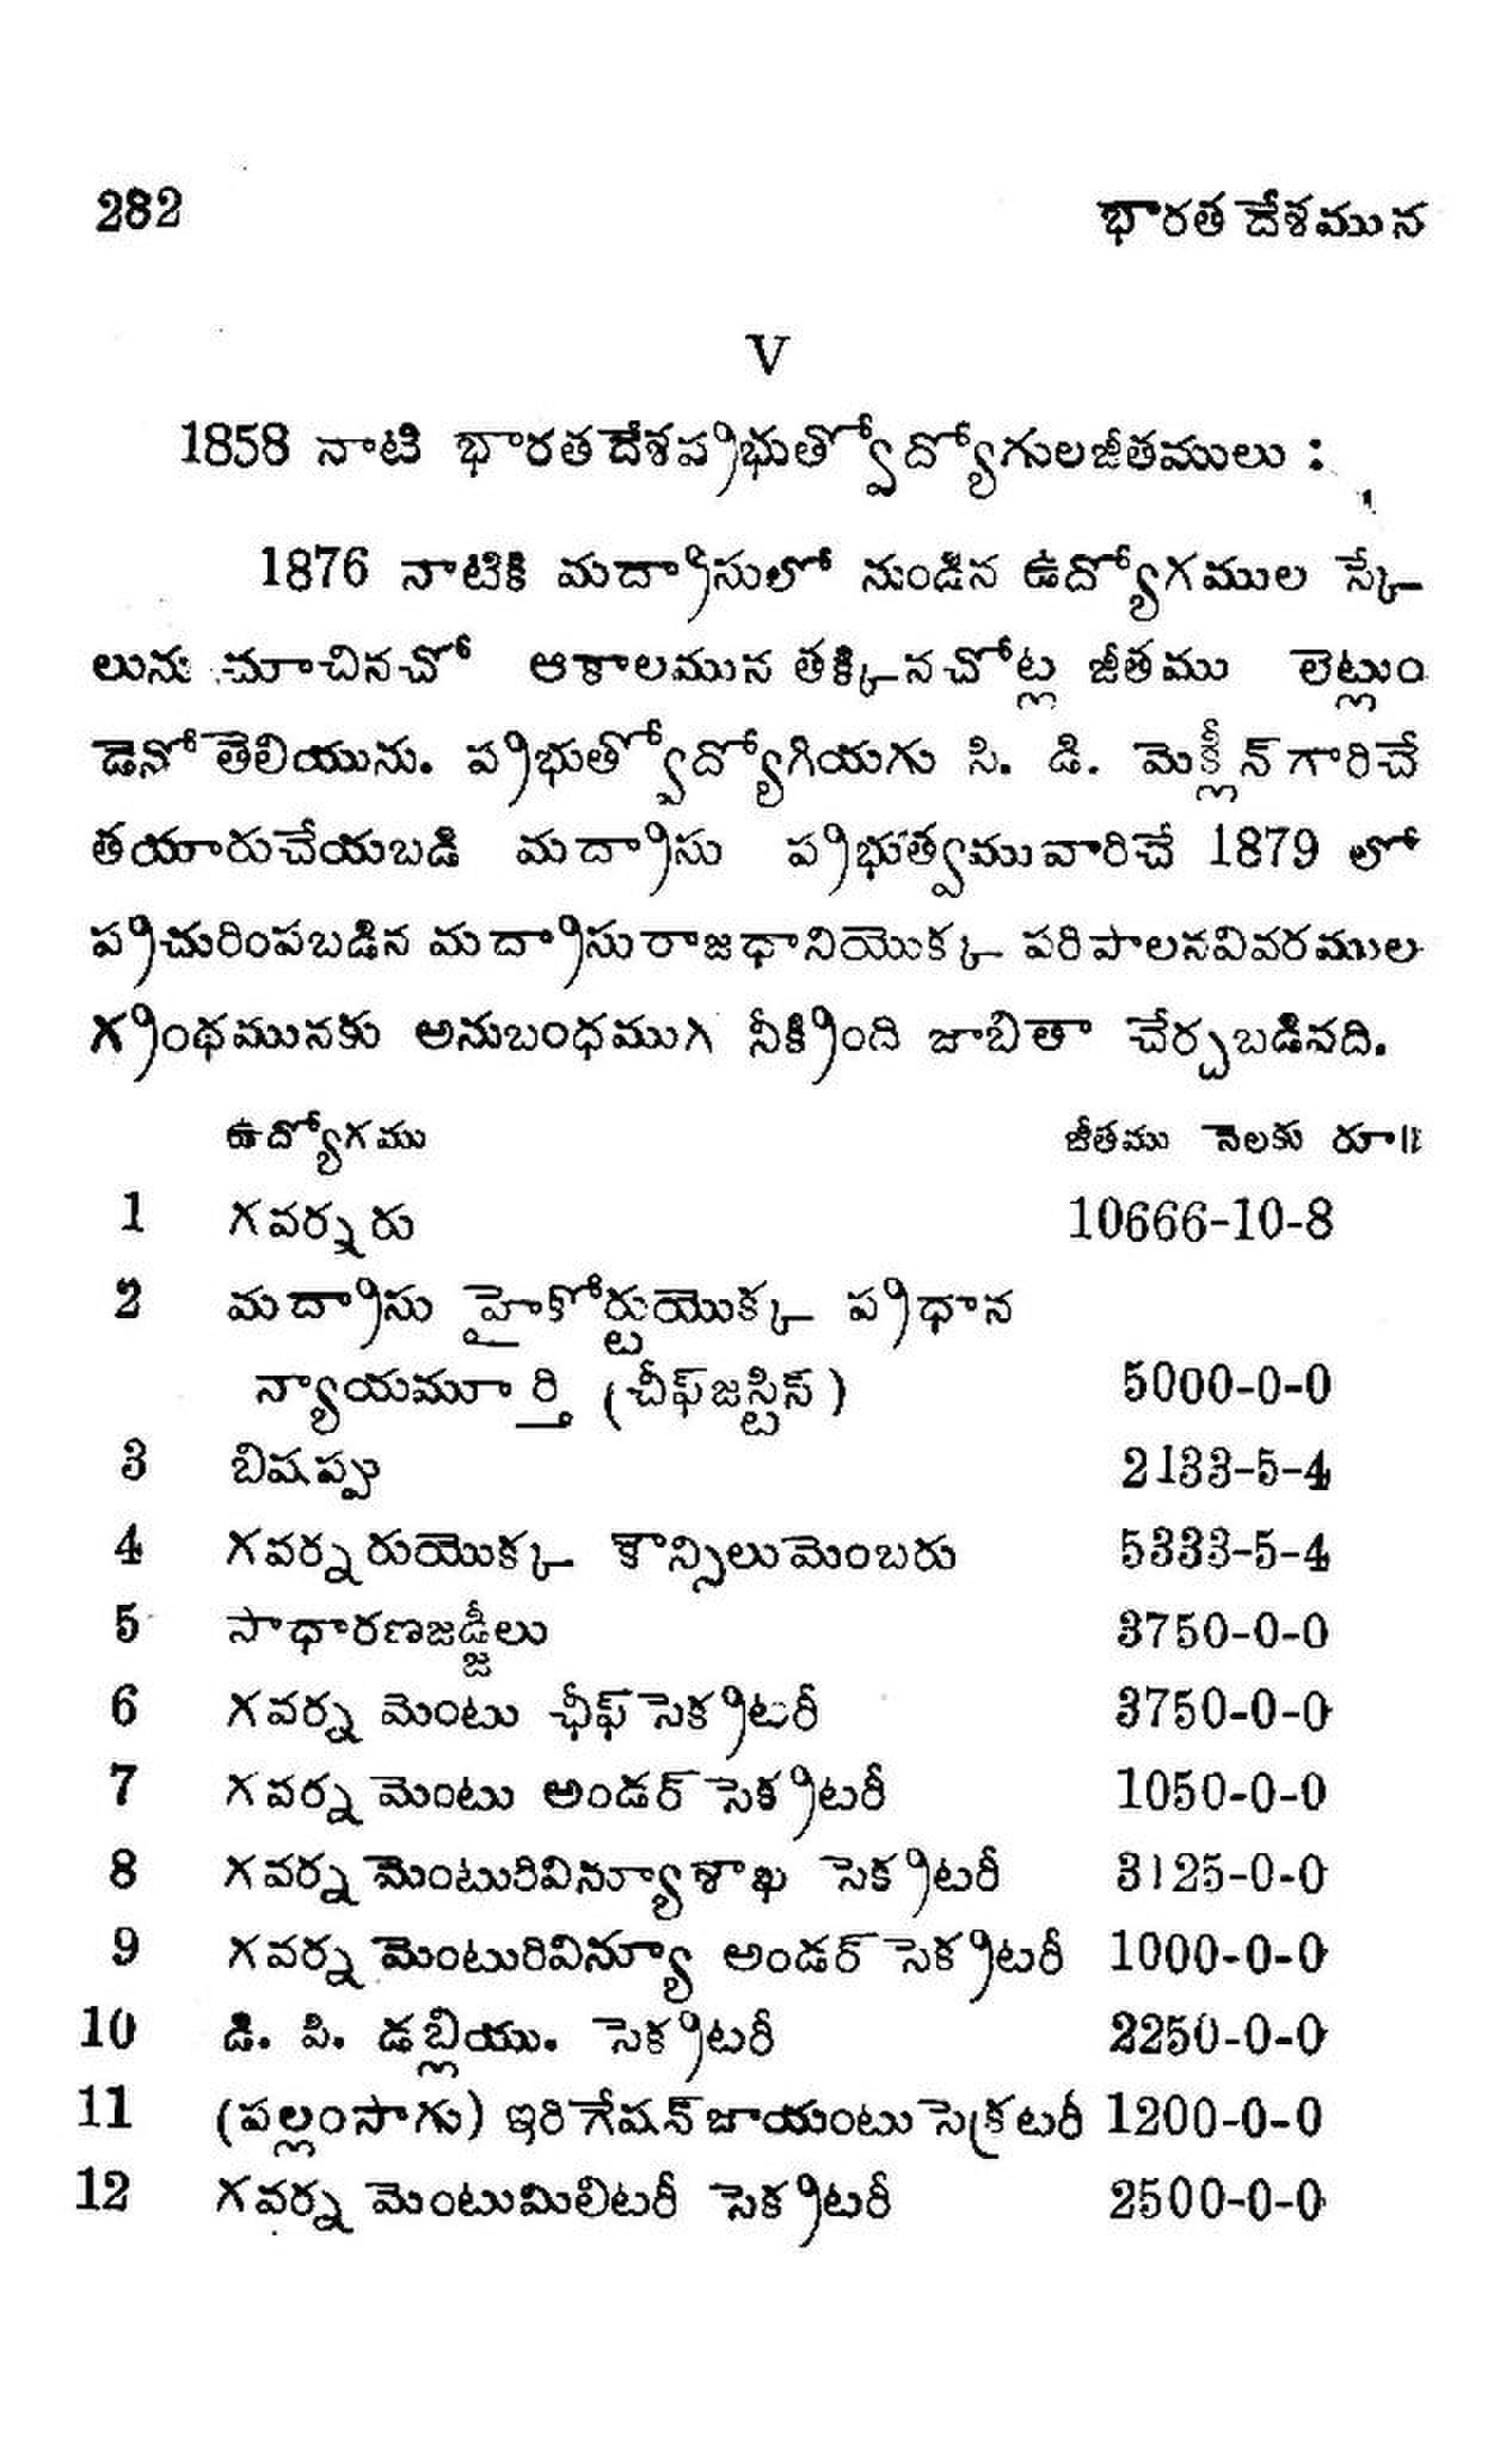V
1858 నాటి భారతదేశప్రభుత్వోద్యోగులజీతములు : 

1876 నాటికి మద్రాసులో నుండిన ఉద్యోగముల స్కేలును చూచినచో ఆకాలమున తక్కినచోట్ల జీతము లెట్లుండెనో తెలియును. ప్రభుత్వోద్యోగియగు సి. డి. 'మెక్లీన్‌గారిచే తయారుచేయబడి మద్రాసు ప్రభుత్వమువారిచే 1879 లో ప్రచురింపబడిన మద్రాసురాజధానియొక్క పరిపాలనవివరముల గ్రంథమునకు అనుబంధముగ నీక్రింది జాబితా చేర్చబడినది. 

 - ఉద్యోగము జీతము నెలకు రూ. 1 గవర్నరు 10666-10-8 2 మద్రాసు హైకోర్టుయొక్క ప్రధాన న్యాయమూర్తి (చీఫ్‌జస్టిస్) 5000-0-0 3 బిషప్పు 2133-5-4 4 గవర్నరుయొక్క కౌన్సిలుమెంబరు 5333-5-4 5 సాధారణజడ్జీలు 3750-0-0 6 గవర్నమెంటు ఛీఫ్‌సెక్రటరీ 3750-0-0 7 గవర్నమెంటు అండర్ సెక్రటరీ 1050-0-0 8 గవర్నమెంటురివిన్యూశాఖ సెక్రటరీ 3125-0-0 9 గవర్నమెంటురివిన్యూ అండర్ సెక్రటరీ 1000-0-0 10 డి. పి. డబ్లియు. సెక్రటరీ 2250-0-0 11 (పల్లంసాగు) ఇరిగేషన్‌జాయింటు సెక్రటరీ 1200-0-0 12 గవర్నమెంటుమిలిటరీ సెక్రటరీ 2500-0-0